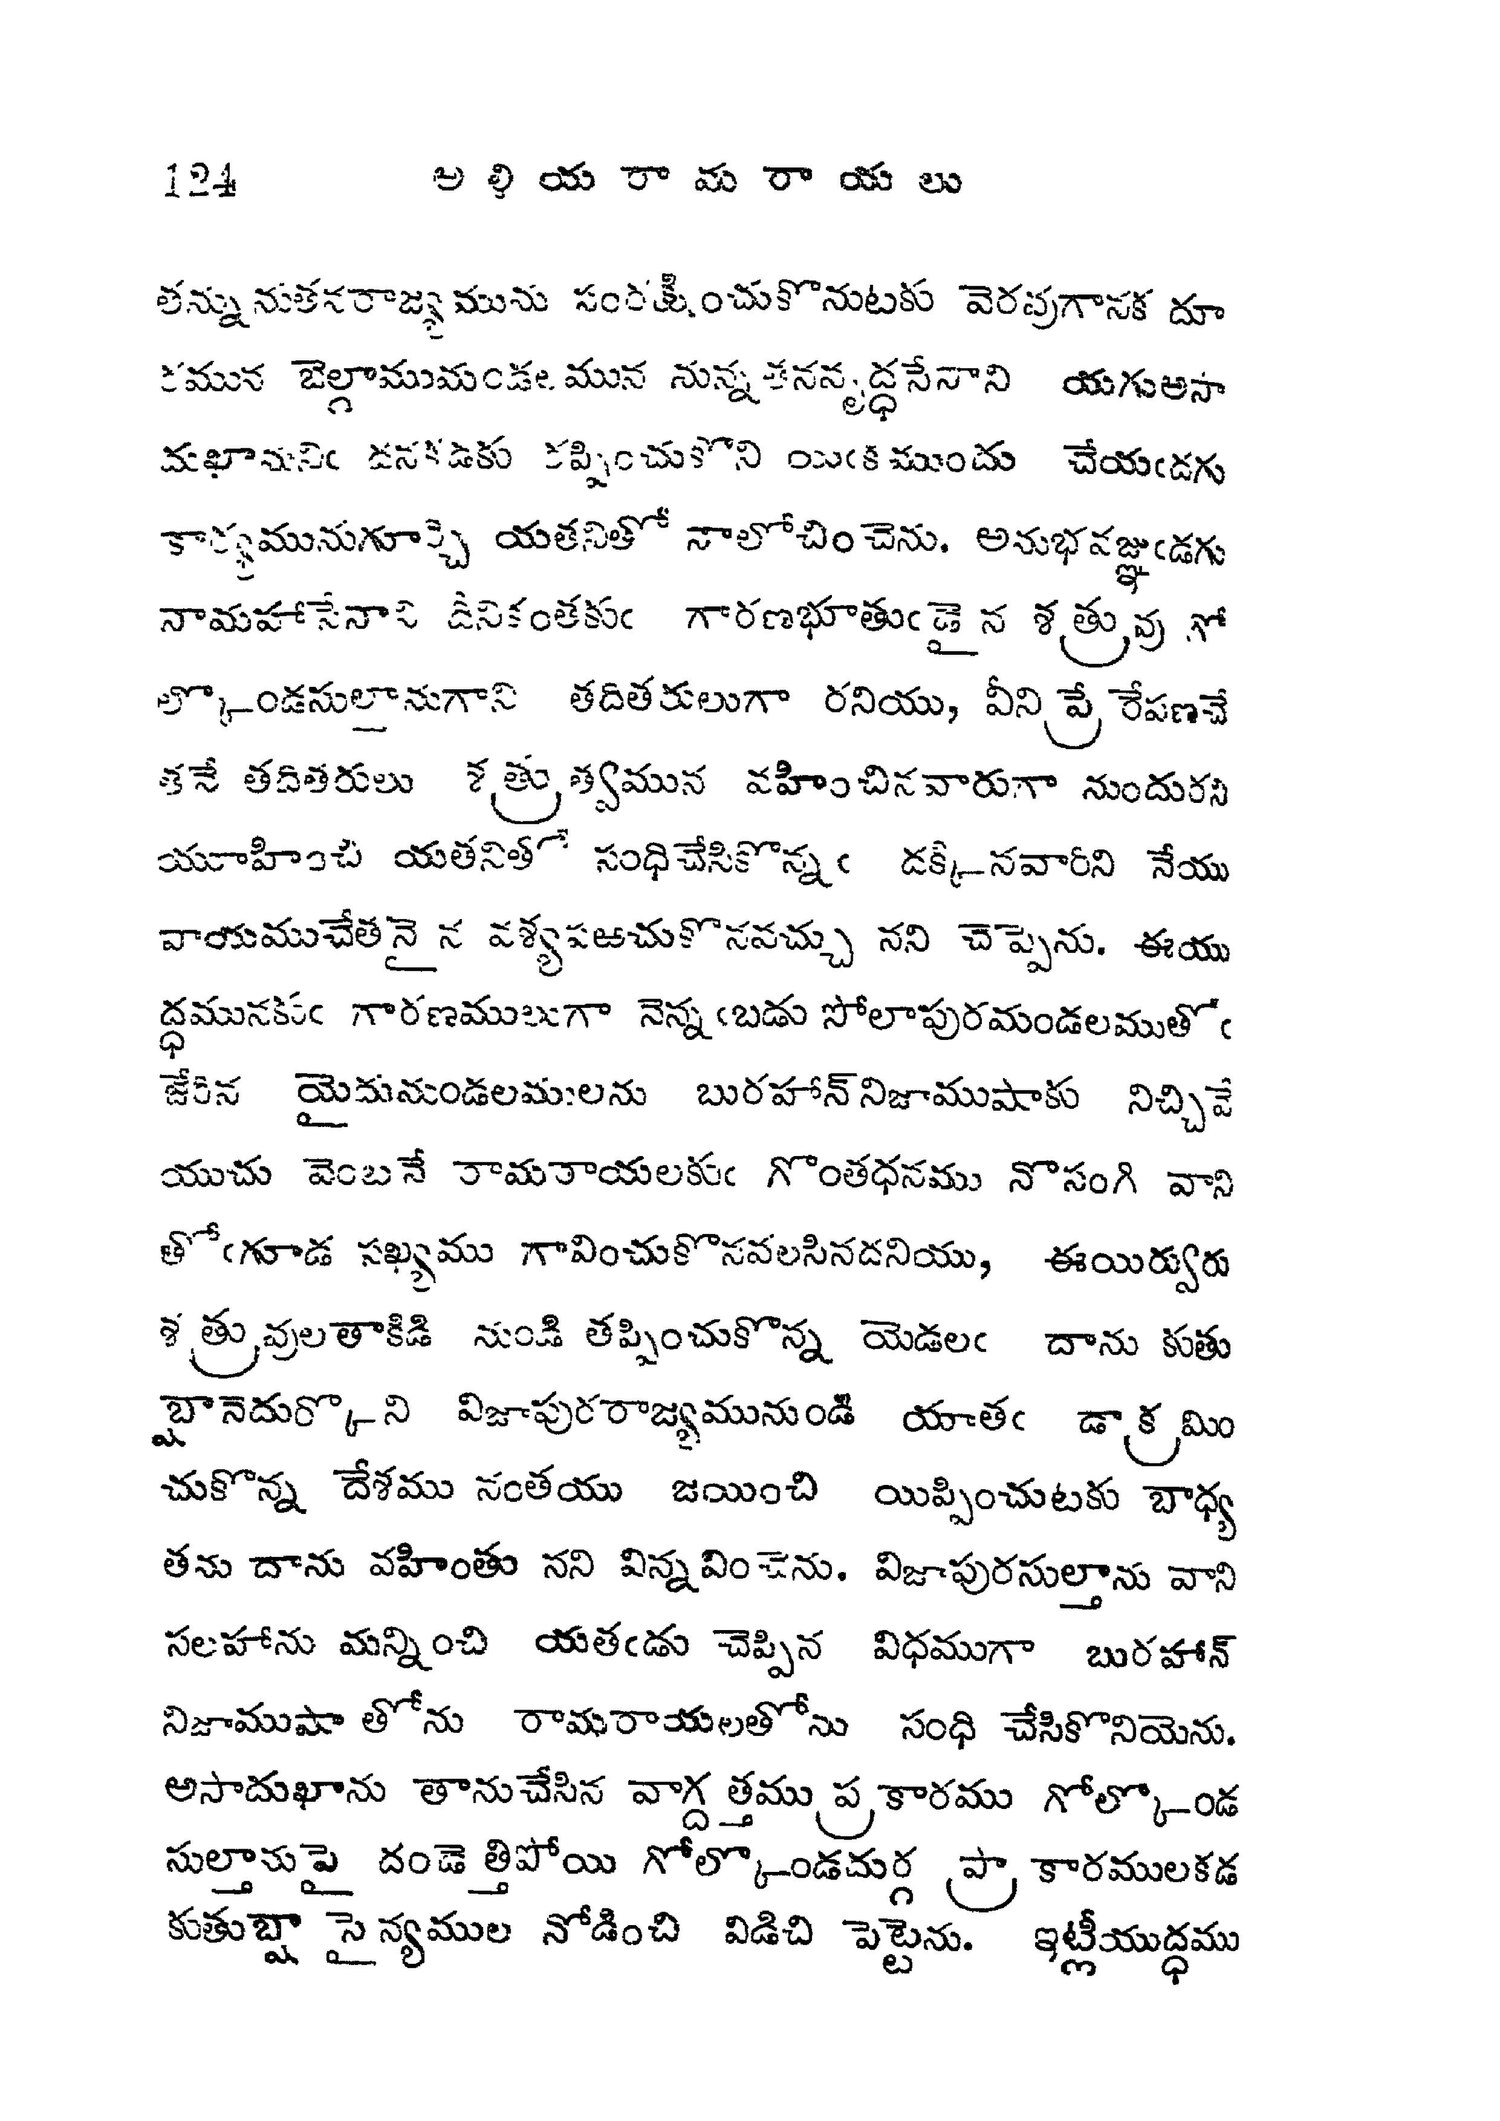తన్నును తనరాజ్యమును సంరంక్షించుకొనుటకు వెరవుగానక దూరమున బెల్గాముమండలమున నున్నతనవృద్ధసేనాని యగుఅసాదుఖానుని దనకడకు రప్పించుకొని యికముందు చేయదగు కార్యమునుగూర్చి యతనితో నాలోచించెను. అనుభవజ్ఞుడగు నామహాసేనాని దీనికంతకు గారణభూతుడైన శత్రువు గోల్కొండసుల్తానుగాని తదితరులుగా రనియు, వీనిప్రేరేపణచేతనే తదితరులు శత్రుత్వమున వహించినవారుగా నుందురని యూహించి యతనితో సంధిచేసికొన్న దక్కినవారిని నేయుపాయముచేతనైన వశ్యపఱచుకొనవచ్చు నని చెప్పెను. ఈయుద్ధమునకు గారణములుగా నెన్నబడు సోలాపురమండలముతో జేరిన యైదుమండలములను బురహాన్‌నిజాముషాకు నిచ్చివేయుచు వెంటనే రామరాయలకు గొంతధనము నొసంగి వానితోగూడ సఖ్యము గావించుకొనవలసినదనియు, ఈయిర్వురు శత్రువులతాకిడి నుండి తప్పించుకొన్న యెడల దాను కుతుబ్షానెదుర్కొని విజాపురరాజ్యమునుండి యాత డాక్రమించుకొన్న దేశము నంతయు జయించి యిప్పించుటకు బాధ్యతను దాను వహింతు నని విన్నవించెను. విజాపురసుల్తాను వాని సలహాను మన్నించి యతడు చెప్పిన విధముగా బురహాన్‌నిజాముషా తోను రామరాయలతోను సంధి చేసికొనియెను. అసాదుఖాను తానుచేసిన వాగ్దత్తముప్రకారము గోల్కొండసుల్తానుపై దండెత్తిపోయి గోల్కొండదుర్గ ప్రాకారములకడ కుతుబ్షా సైన్యముల నోడించి విడిచి పెట్టెను. ఇట్లీయుద్ధము